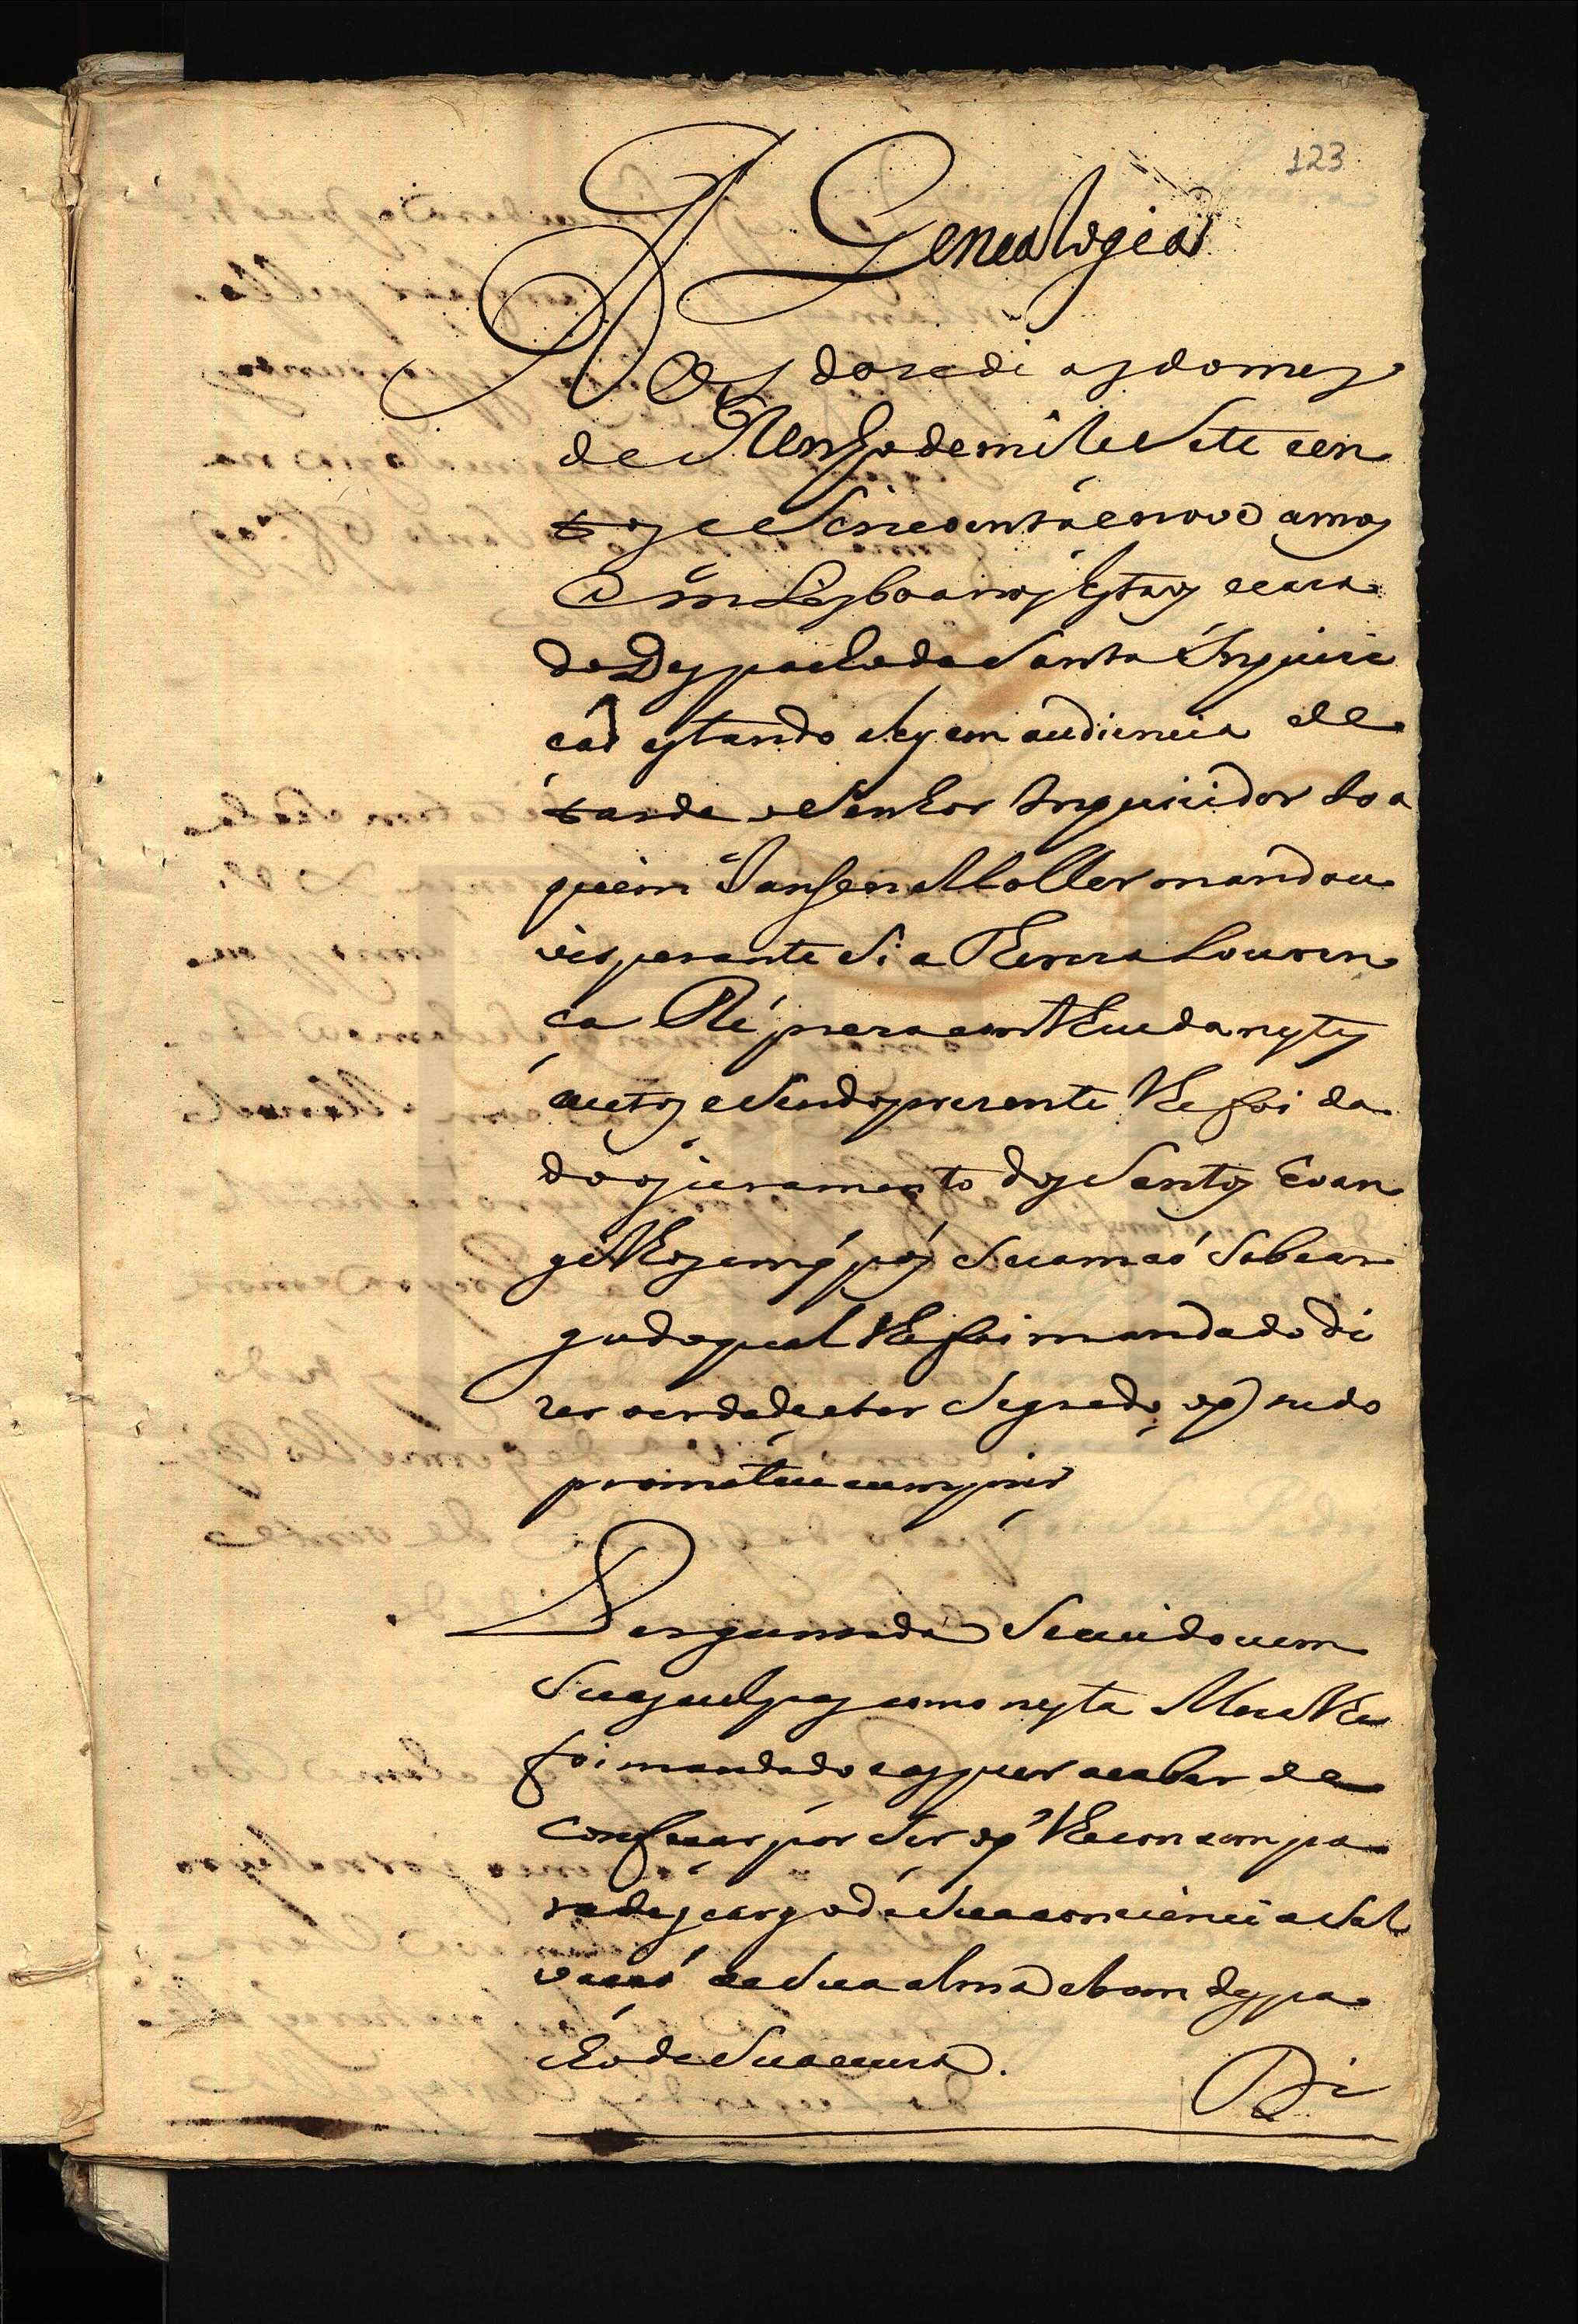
Genealogia
Aos doze dias do mes
de Iunho de mil, e Setecen
tos e Sincoenta, e nove annos
em Lisboa nos Estaos, e caza
do Despacho da Santa Inquizi
çaõ estando ahy em audiencia de
tarde o Senhor Inquizidor Ioa
quim Iansen Moller mandou
vir perante Si a Thereza Louren
ça Ré preza contheuda nestes
autos, e Sendo prezente lhe foi da
do o juramento dos Santos Evan
gelhos em q̄ pos Sua maõ Sob car
go do qual lhe foi mandado di
zer verdade e ter Segredo, o q̄ tudo
prometeu cumprir
Perguntada Se cuidou em
Suas culpas como nesta Meza lhe
foi mandado e as quer acabar de
confeçar por Ser o q̄ lhe convem pa
ra descargo de Sua conciencia Sal
vaçaõ de Sua alma e bom despa
cho de Sua cauza.
Di
